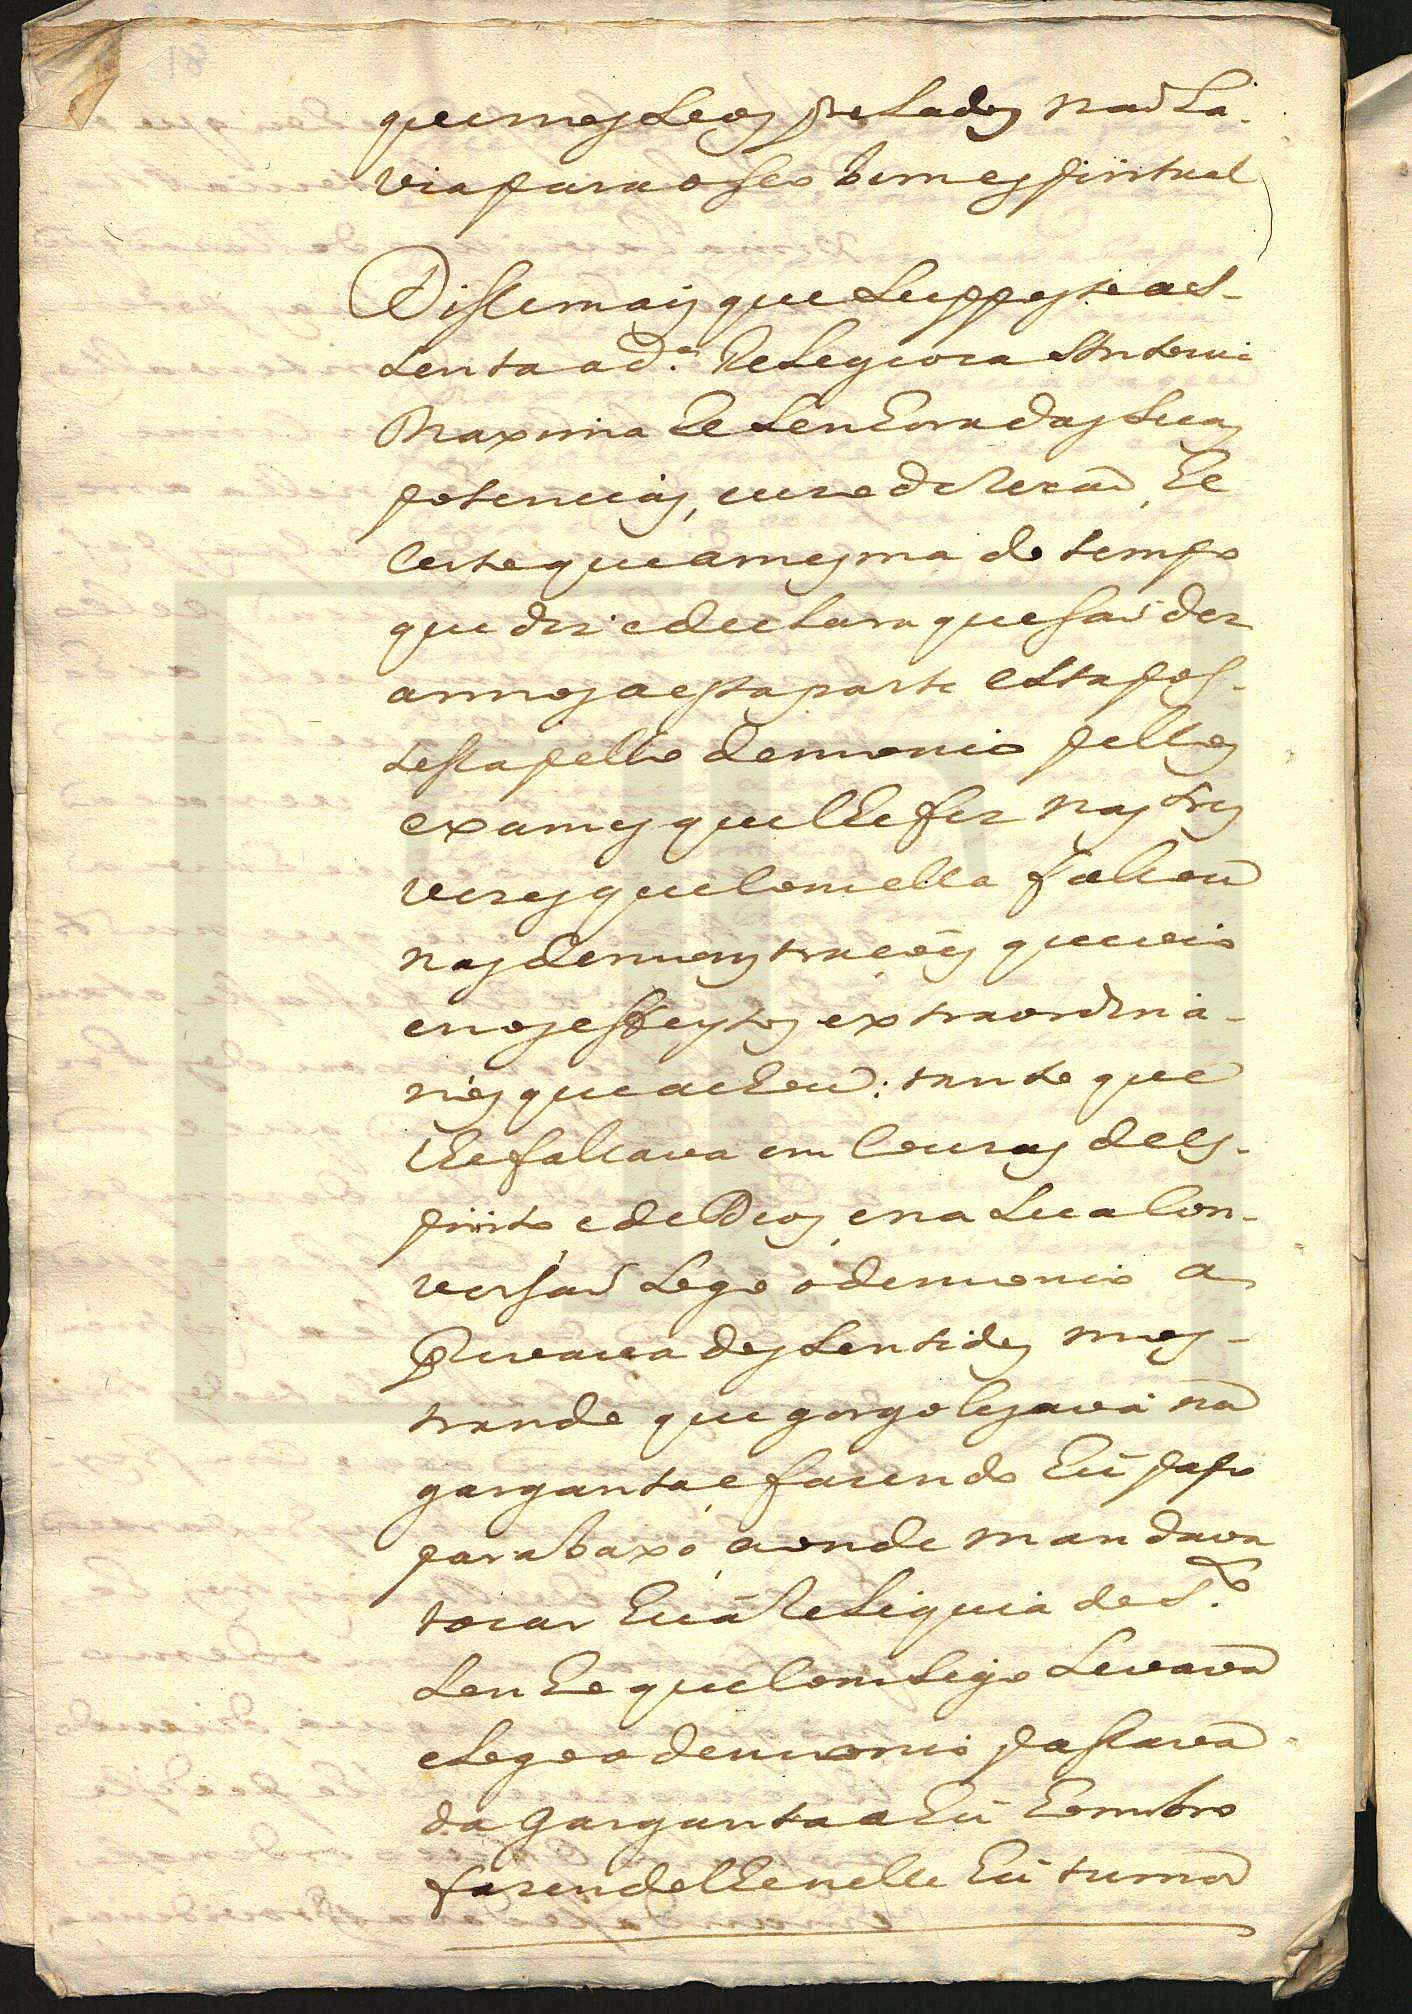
que mes seos prelados naõ ha
via para o seo bem espiritual
Disse mais que suppos.te as
senta a d.a Relegioza Antonia
Maxima Re Senhora das suas
potencias, e uzo da Razão, he
certo que a mesma do tempo
que diz e declara que saõ dez
annos a esta parte esta pos
sessa pello demonio pellos
exames que lhe fez nas tres
vezes que com ella fallou
nas demonstrações que vio
e nos effeytos extraordina
rios que achou: tanto que
lhe fallava em Couzas de es
pirito e de Deos, e na Sua Con
versaõ logo o demonio a
privava dos sentidos mos
trando que gorgolejava na
garganta, e fazendo hū paso
para baxo, aonde mandava
tocar huā Reliquia do S.to
Lenho que comsigo Levava
e Logo o demonio passava
da garganta a hū hombro
fazendolhe nelle hū tumor
